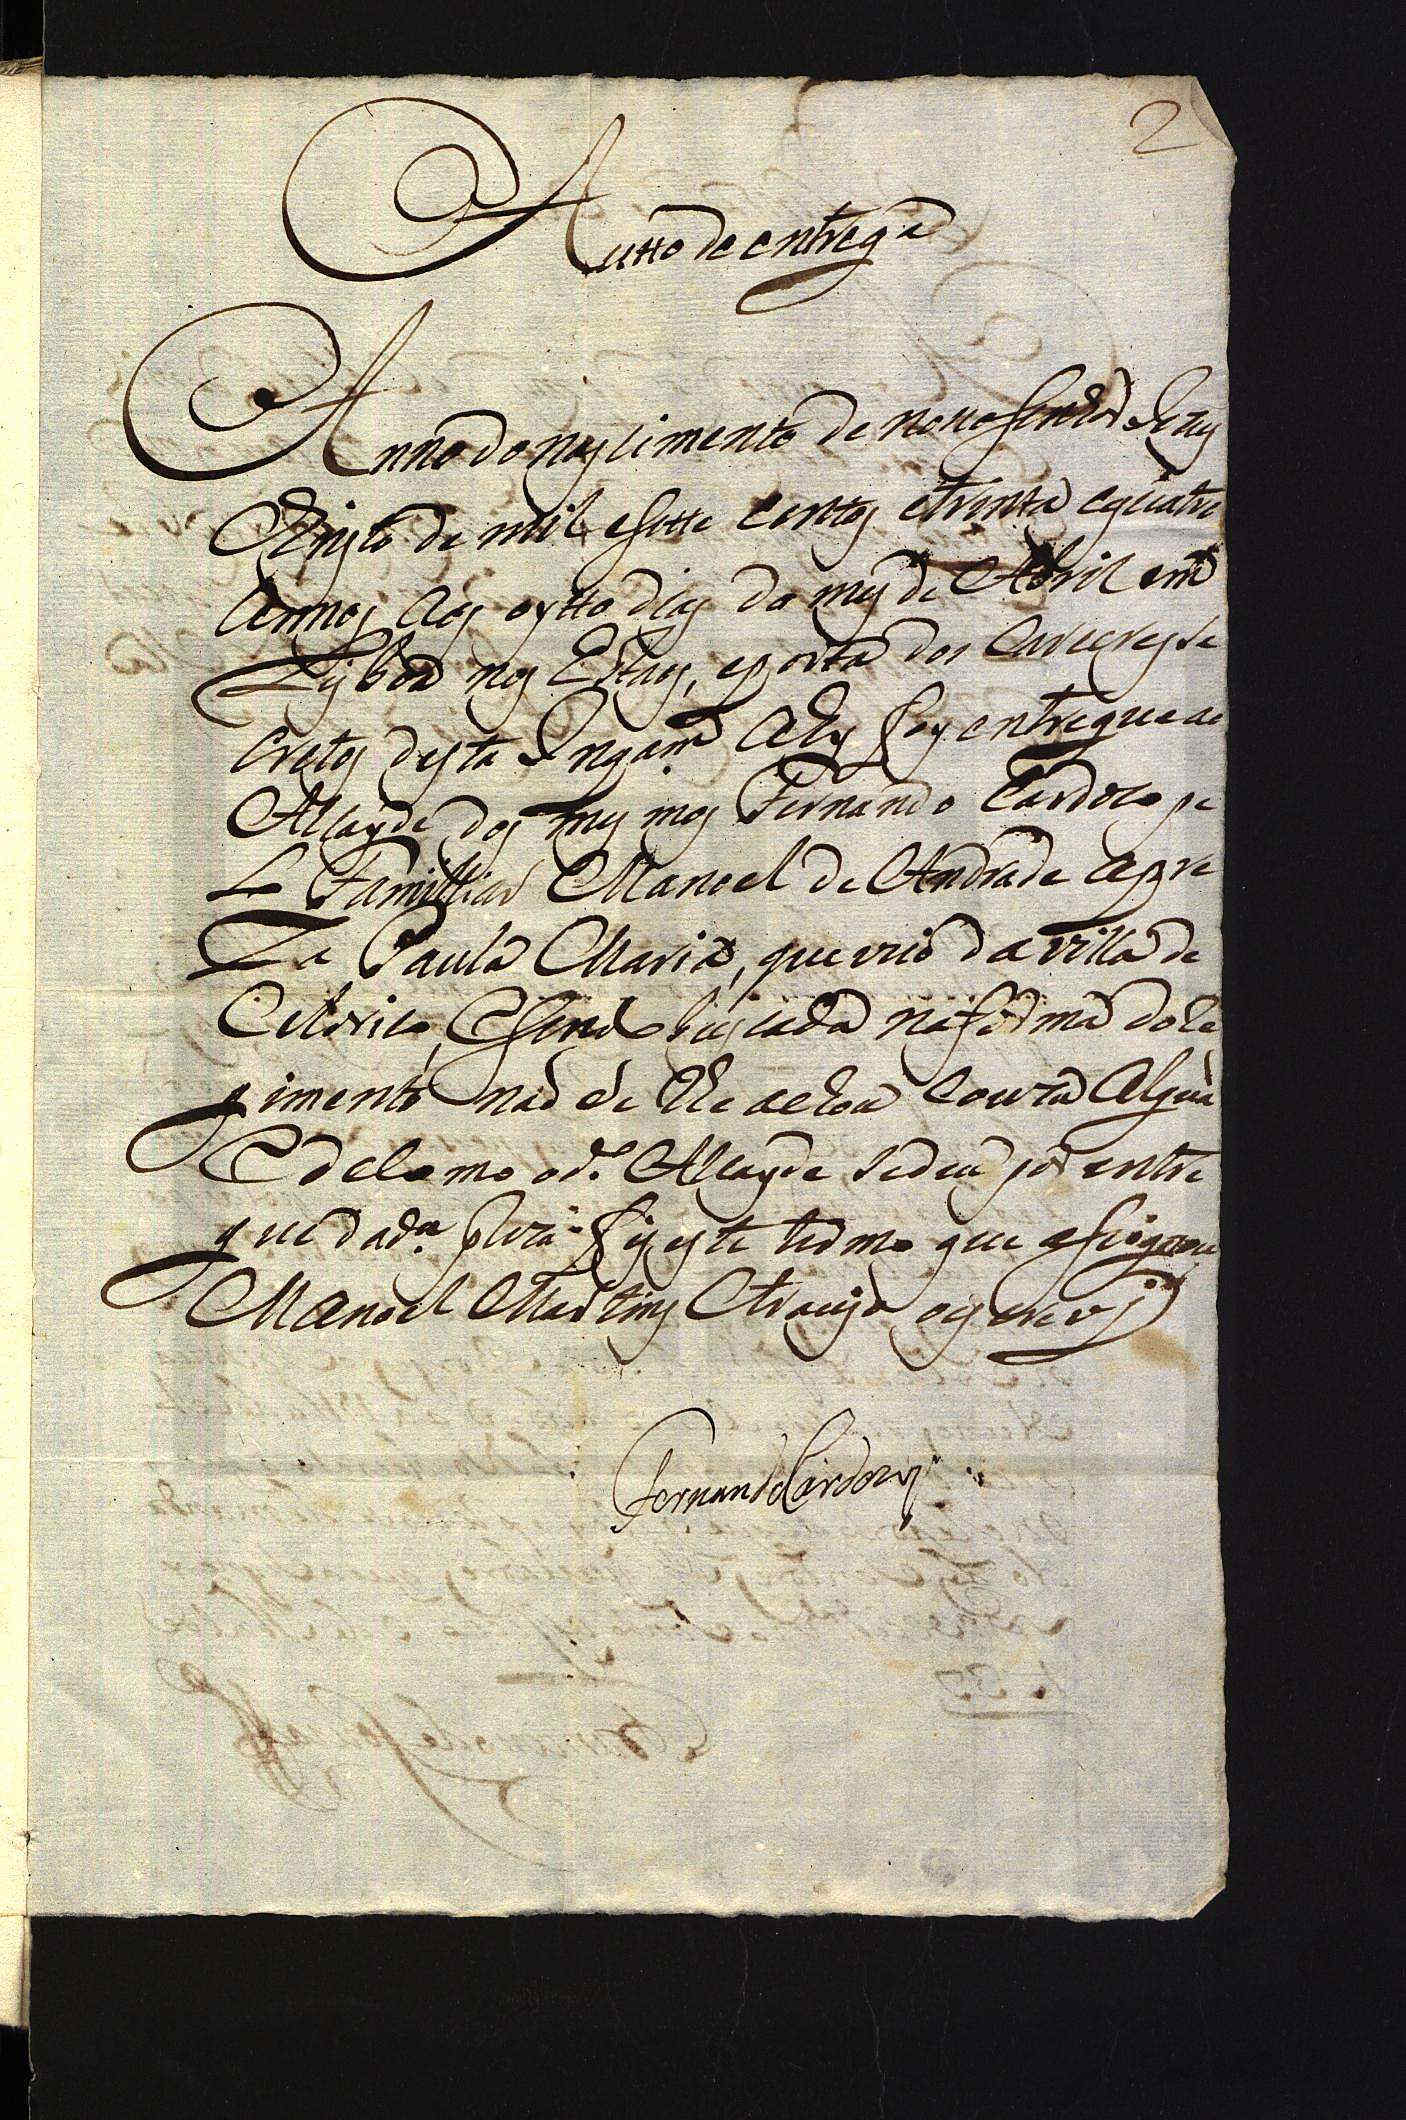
Autto de entrega
Anno do nascimento de nosso senhor Iezus
Christo de mil e settecentos e trinta e quatro
Annos aos oytto dias do mes de Abril em
Lisboa nos Estaos, e porta dos Carceres se
cretos desta Inqam Ahy foy entregue ao
Alcayde dos mesmos Fernando Cardozo pe
lo Familliar Manoel de Andrade a pre
Za Paula Maria, que veio da villa de
Celorico, e sendo buscada na forma do Re
gimento naõ se lhe achou Couza Alguā
E declamo o d.o Alcayde se deu por entre
gue da d.a pReza fis este termo que assignou
Manoel Martins Araujo o escrevi
Fernando Cardozo.
